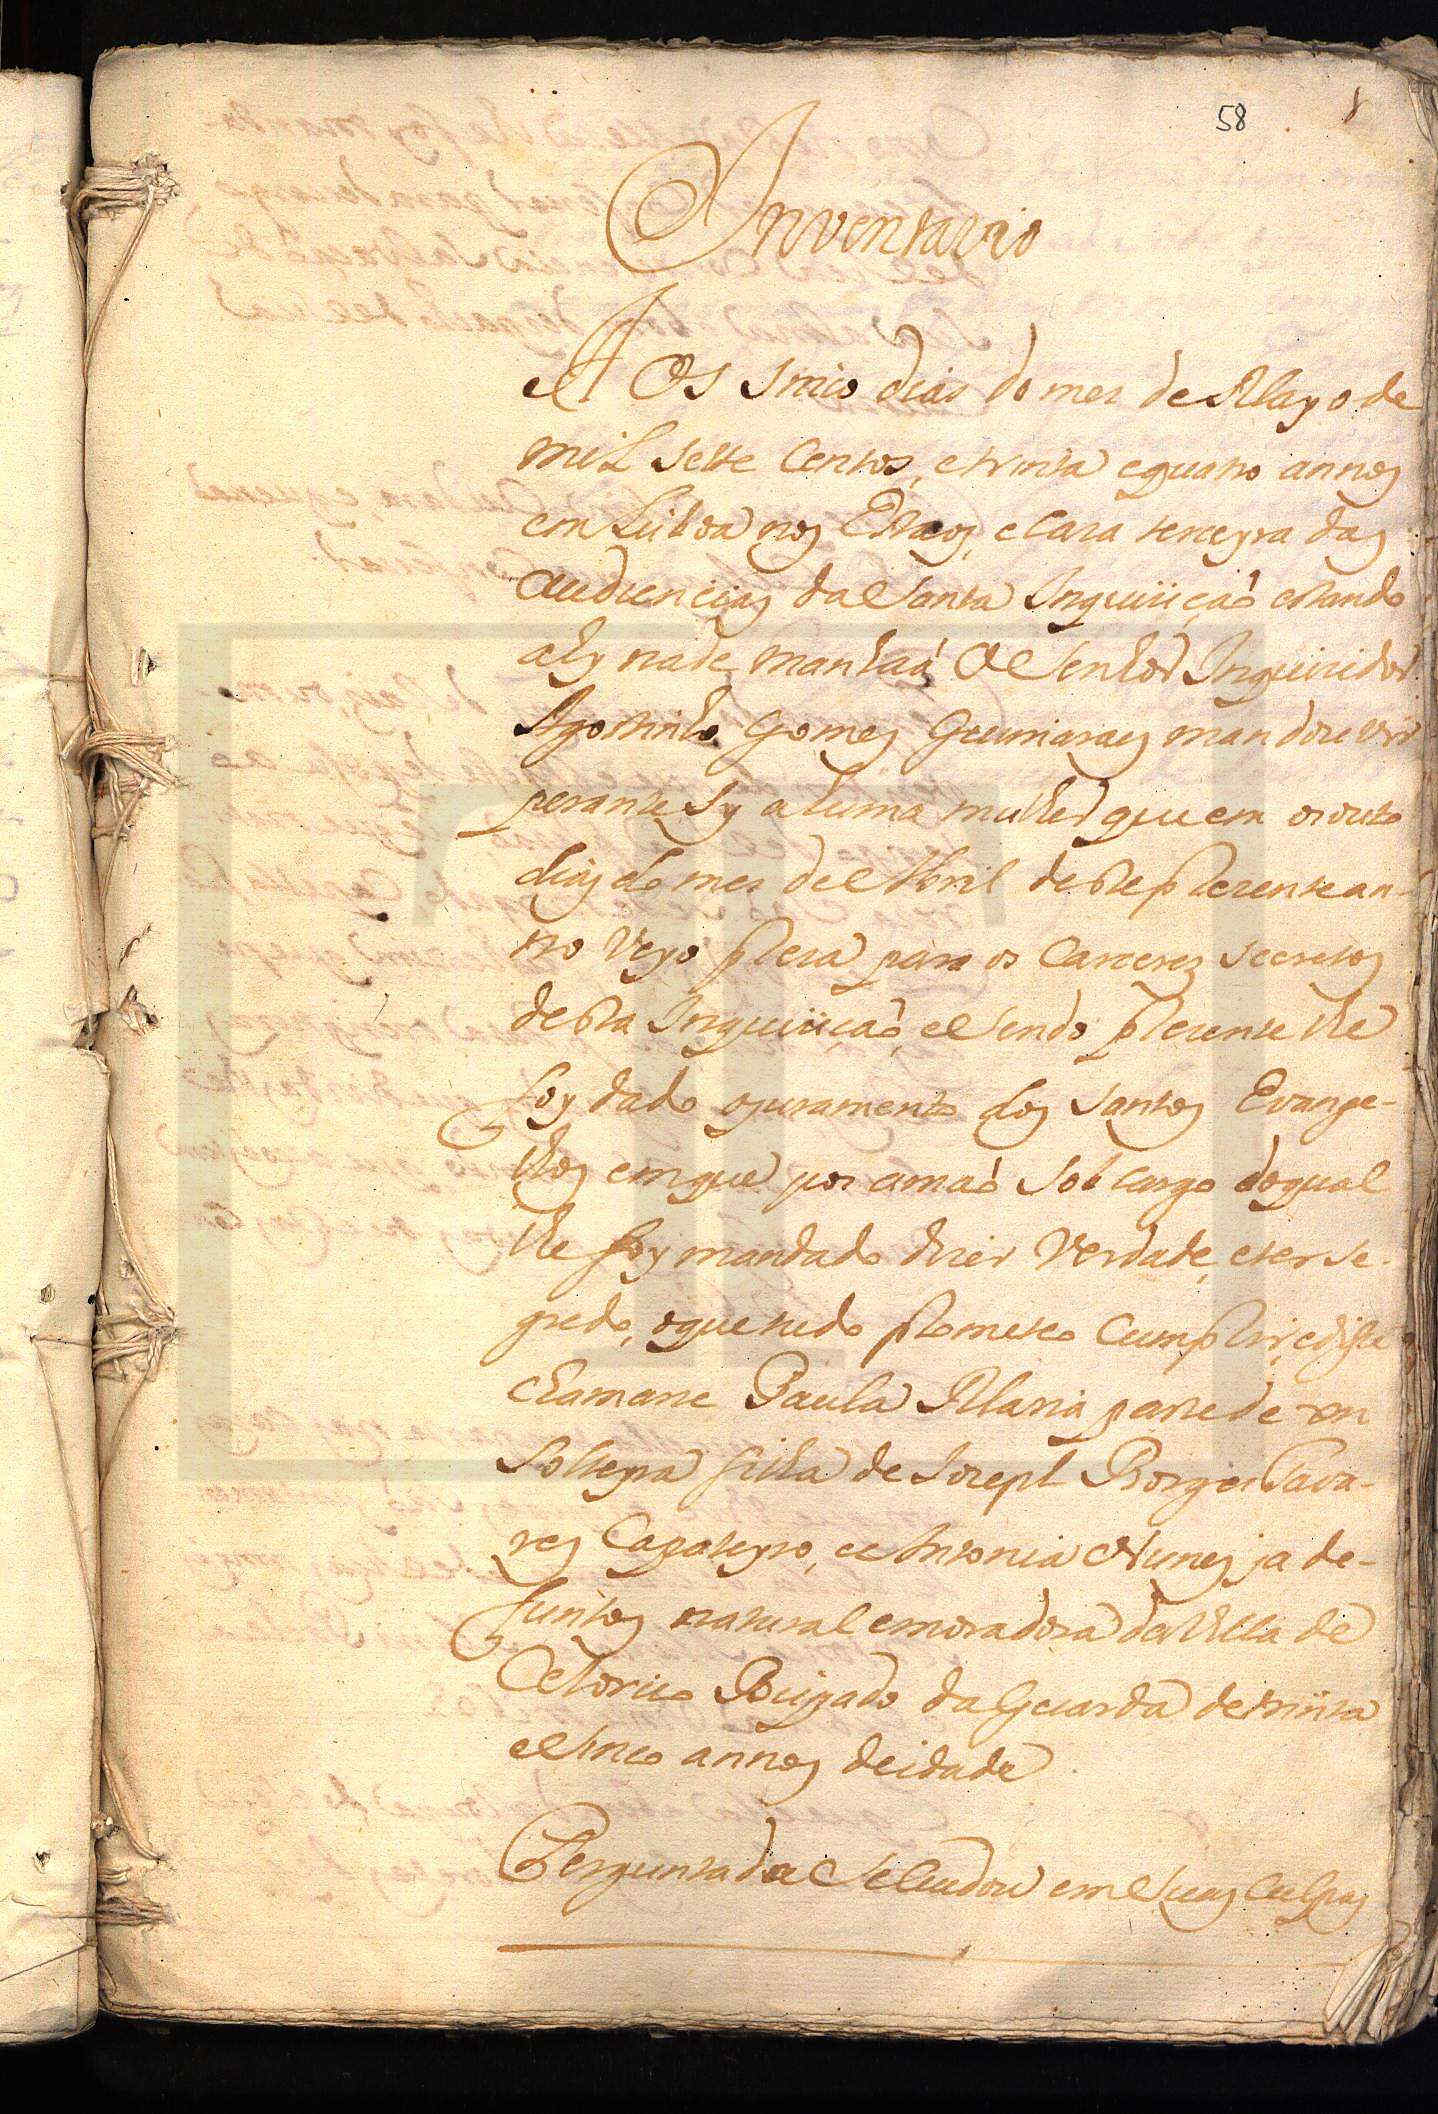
1
Inventario
Aos sinco dias do mes de Mayo de
miL settecentos, e trinta e quatro annos
em Lisboa nos Estaos, e caza terceyra das
audiencias da santa Inquiziçaõ estando
ahy na de manhaã o senhor Inquizidor
Agostinho Gomes Guimaraes mandou vir
perante sy a huma mulher que em os outo
dias do mes de Abril deste prezente an
no veyo preza para os carcerez secretos
desta Inquiziçaõ, e sendo prezente lhe
foy dado o juramento dos santos Evange
lhos em que pos a maõ sob cargo do qual
lhe foy mandado dizer verdade, e ter se
gredo, o que tudo prometeo cumprir, e disse
chamarse Paula Maria parte de xn
solteyra filha de Iozeph Borges Tava
res Capateyro, e Antonia Nunes ja de
funtos natural e moradora da Villa de
Celorico Bispado da Guarda de trinta
e sinco annos de idade.
Perguntada se cuidou em suas culpas
